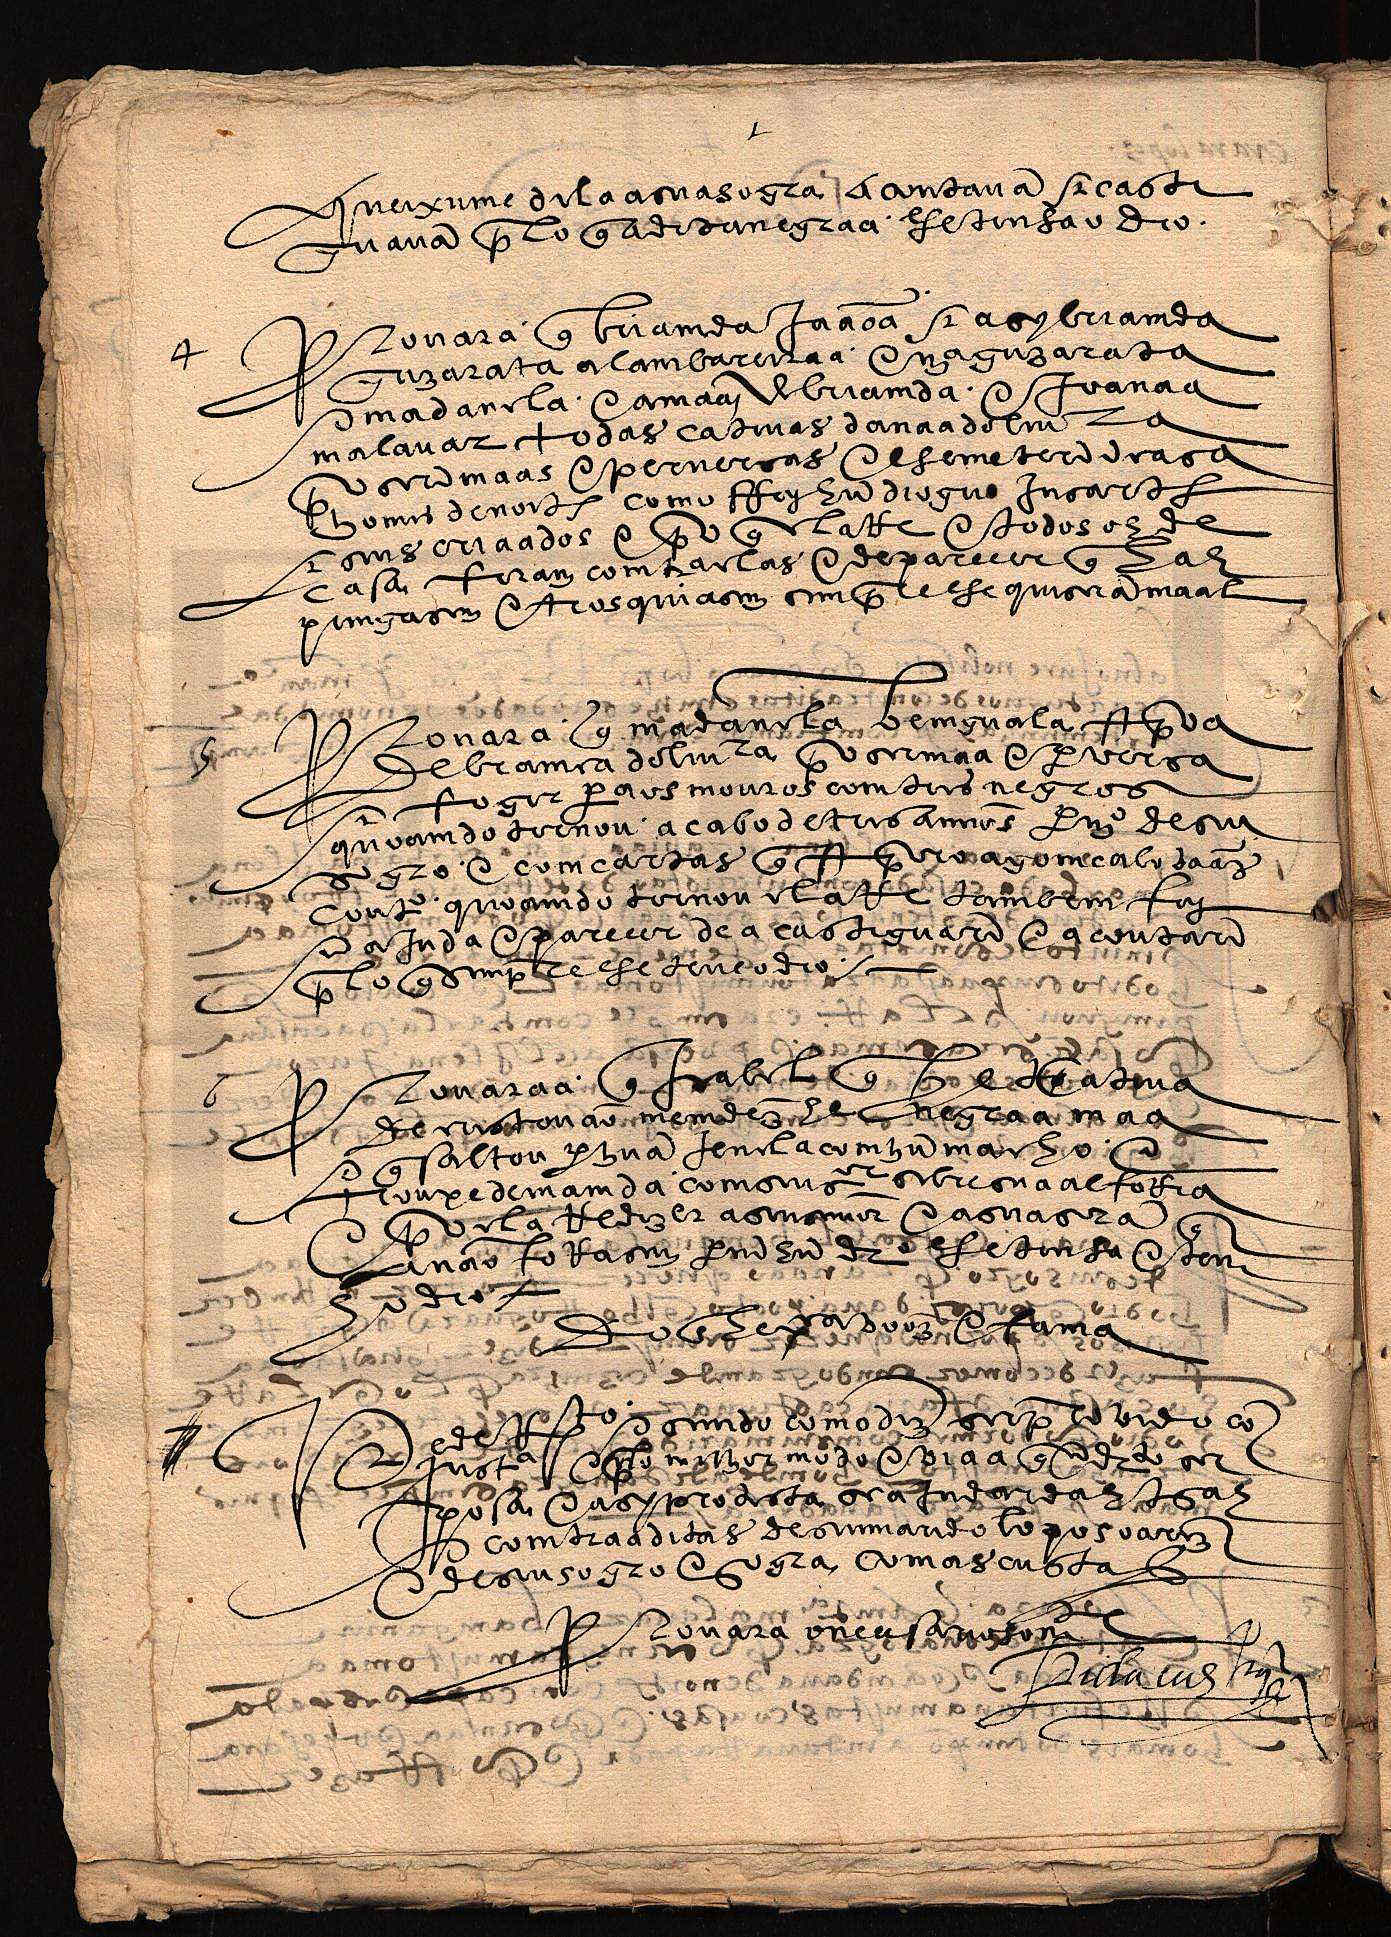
queixume dela a sua sogra acoutauā e casti
guauā p̄lo q̄ a dita negraa lhe tinha odio.
Ꝓrouara q̄ briamda Jaāoa e asy briamda
guzarata a lambareiraa e ma guzarata
e madanela e a maãj de briamda. e Joanaa
malauar todas catiuas danaa doliura
p̄o serē maas e peruersas e lhe meterē ē casa
homes de noitꝭ como ffoy hū dioguo Jusartꝭ
e seus criaados e p̄o q̄ ela Re e todos os de
casa foram comtra elas e de parecer q̄ has
pimgasem e trosquiasem sempre lhe quiserā maal
Ꝓrouara q̄ madanela bemguala stp̄va
de bramca doliura p̄o ser maa e ꝑversa
e fogir ꝑa os mouros com tres negros
quoamdo tornou a cabo de tres annos ꝑ mo de seu
sogro e com cartas q̄ stp̄vio a gomcalo vaāz
couto quoamdo tornou ela Re tambem foy
ē aJuda e parecer de a castiguarē e acoutarē
p̄lo q̄ sempre lhe teue odio ./
Ꝓrouaraa q̄ Jsabel q̄ he tCatiua
de cristouaõ memdez he negraa maa
e q̄ saltou ꝑ huā Jenela com hū macho e
trouxe demamda com seu sor sobre sua alfoRia
e p̄o ela Re dizer a seu snnōr e a sua sorā q̄
a não foRasem ꝑ nēhū dro lhe tinha e tem
hodio
Do q̄ he pca vooz e fama
Pede Rꝭto e semdo como diz ser provido cō
Justa e ꝑlo milhor modo e viaa q̄ ē drto ser
posa e asy protesta se aJudar das tsas
e comtraaditas de seu marido lopo soarez
e de seu sogro e sogra com as custa
ꝓrouara o necesario somte
